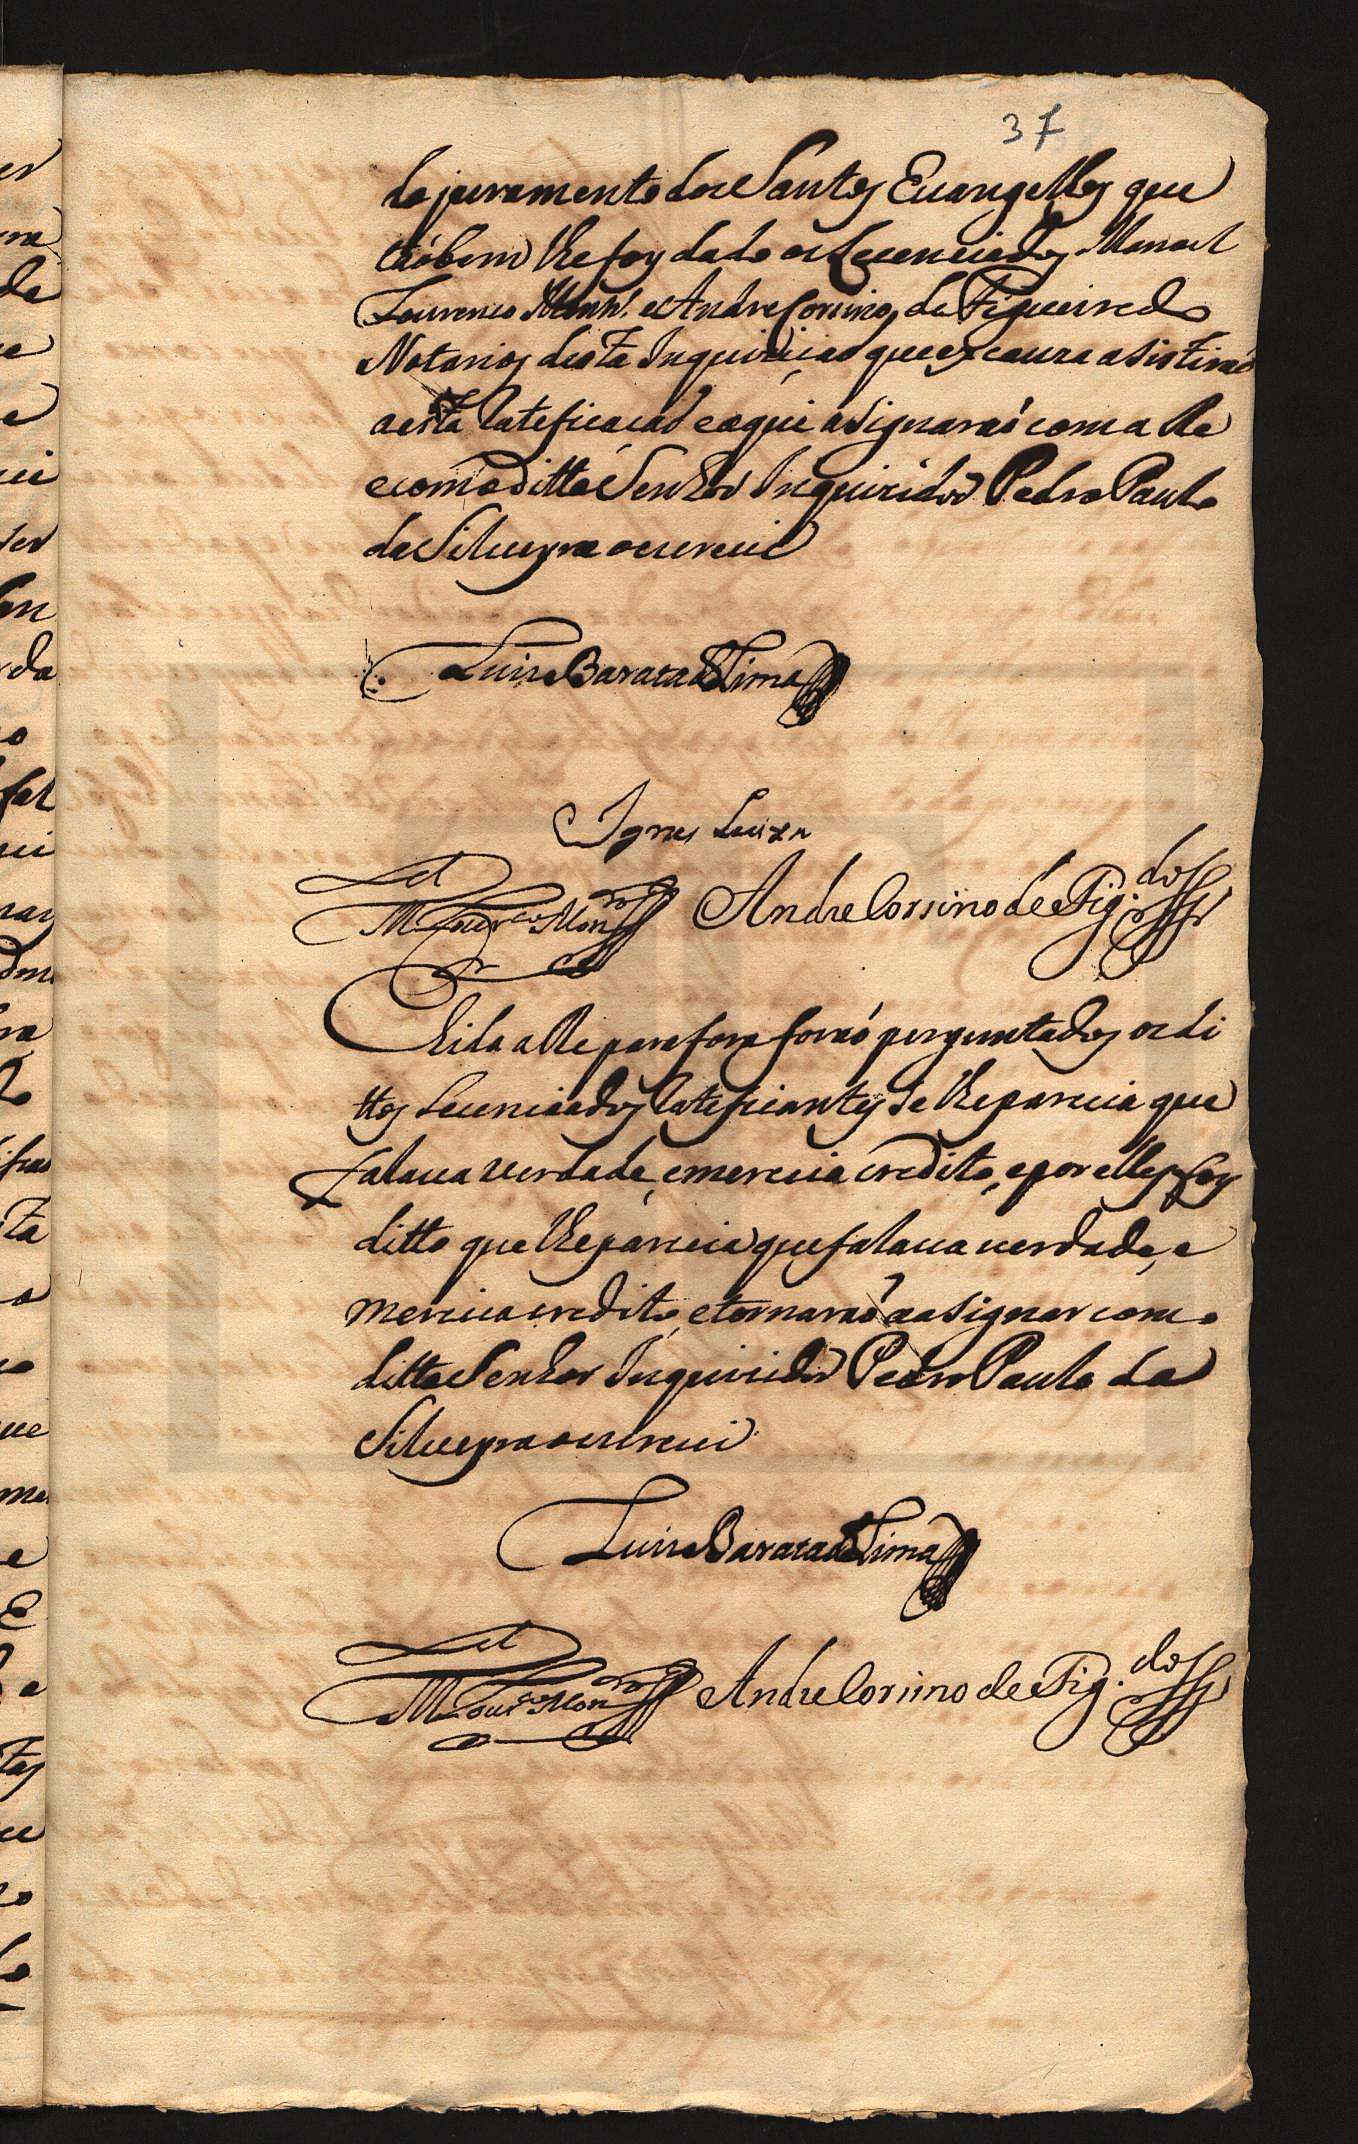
do juramento dos Santos Euangelhos que
taõbem lhe foy dado os Lecenciados Manoel
Lourenço Montr.o e Andre Corsino, de Figueiredo
Notarios desta Inquiziçaõ que ex cauza asistiraõ
a esta Rateficaçaõ, e aqui asignaraõ com a Re
e com o ditto Senhor Inquizidor Pedro Paulo
da Silueyra o escreui
Luiz Barata d̄ lima
Ignes Luiza
Mel Lourco Montro Andre Corsino de Fig.do
E hida a Re para fora foraõ perguntados os di
ttos Lecenciados Ratificantes se lhe parecia que
falaua verdade, e merecia credito, e por elles foy
ditto que lhe parecia que falaua uerdade, e
merecia credito, e tornaraõ a asignar com o
ditto Senhor Inquizidor Pedro Paulo da
Silueyra o escreui
Luiz Barata d̄ Lima
Mel Lourco Andre Corsino de Fig.do
